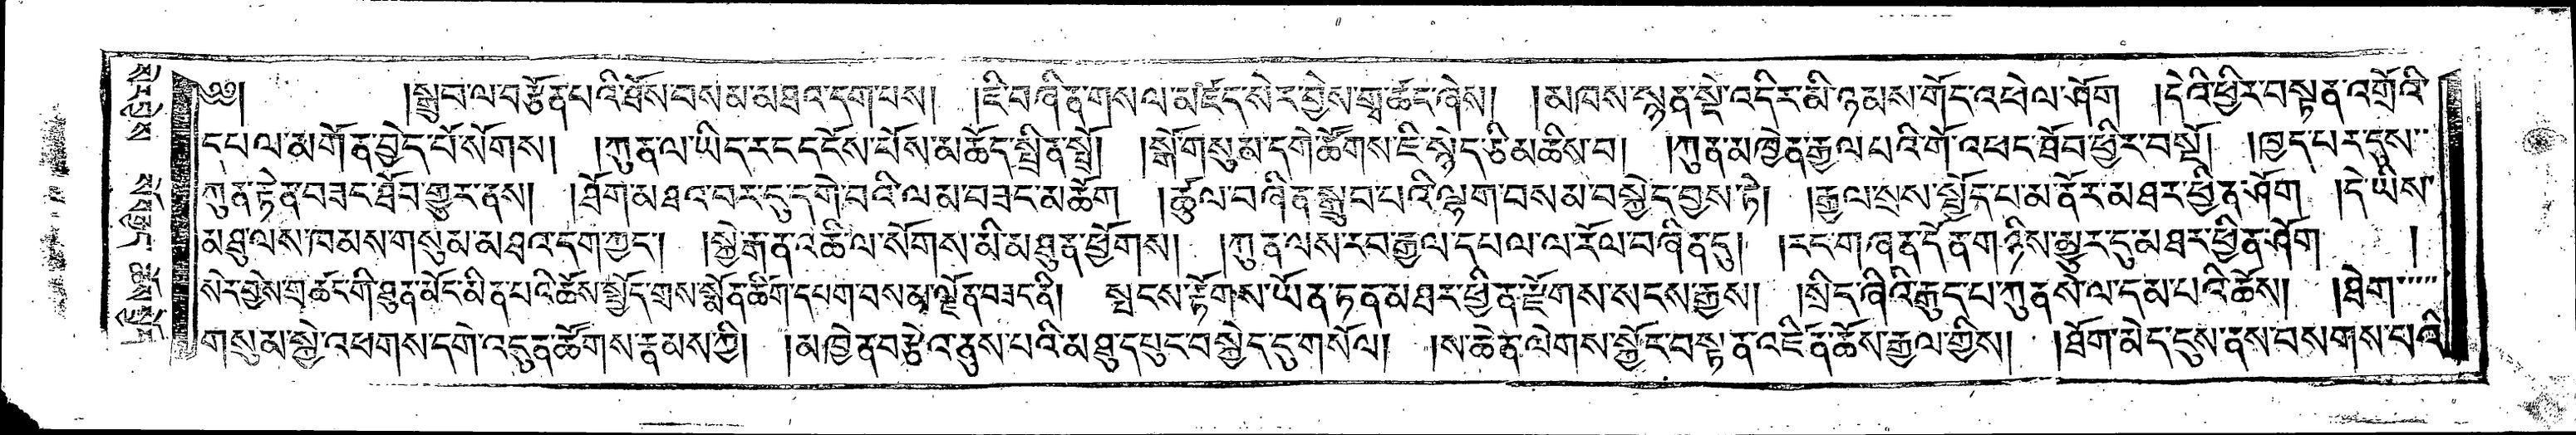༄༅། །སྒྲུབ་ལ་བརྩོན་པའི་ཐོས་བསམ་མཐའ་དག་པས། །ཇི་བཞིན་གསལ་མཛད་སེར་བྱེས་གྲྭ་ཚང་ཞེས། །མཁས་སྙན་སྡེ་འདིར་མི་ཉམས་གོང་འཕེལ་ཤོག །དེའི་ཕྱིར་བསྟན་འགྲོའི་
དཔལ་མགོན་བྱེད་པོ་སོགས། །ཀུན་ལ་ཡིད་རང་དངོས་པོས་མཆོད་སྤྲིན་སྤྲོ། །སྒོ་གསུམ་དགེ་ཚོགས་ཇི་སྙེད་ཅི་མཆིས་པ། །ཀུན་མཁྱེན་རྒྱལ་པའི་གོ་འཕང་ཐོབ་ཕྱིར་བསྔོ། །ཁྱད་པར་དུས་
ཀུན་རྟེན་བཟང་ཐོབ་གྱུར་ནས། །ཐོག་མཐའ་བར་དུ་དགེ་བའི་ལམ་བཟང་མཆོག །ཚུལ་བཞིན་སྒྲུབ་པའི་ལྷག་བསམ་བསྐྱེད་བྱས་ཏེ། །རྒྱལ་སྲས་སྤྱོད་པ་མ་ནོར་མཐར་ཕྱིན་ཤོག །དེ་ཡིས་
མཐུ་ལས་ཁམས་གསུམ་མཐའ་དག་ཀྱང་། །སྐྱེ་རྒ་ན་འཆི་ལ་སོགས་མི་མཐུན་ཕྱོགས། །ཀུན་ལས་རབ་རྒྱལ་དཔལ་ལ་རོལ་བཞིན་དུ། །རང་གཞན་དོན་གཉིས་མྱུར་དུ་མཐར་ཕྱིན་ཤོག །
སེར་བྱེས་གྲྭ་ཚང་གི་ཐུན་མོང་མིན་པའི་ཆོས་སྤྱོད་གྲས་སྨོན་ཚིག་དཔག་བསམ་ལྗོན་བཟང་ནི། སྤངས་རྟོགས་ཡོན་ཏན་མཐར་ཕྱིན་རྫོགས་སངས་རྒྱས། །སྲིད་ཞིའི་རྒུད་པ་ཀུན་སེལ་དམ་པའི་ཆོས། །ཐེག་
གསུམ་སྐྱེ་འཕགས་དགེ་འདུན་ཚོགས་རྣམས་ཀྱི། །མཁྱེན་བརྩེའི་ནུས་པའི་མཐུ་དཔུང་བསྐྱེད་དུ་གསོལ། །ས་ཆེན་ལེགས་སྐྱོང་བསྟན་འཛིན་ཆོས་རྒྱལ་གྱིས། །ཐོག་མེད་དུས་ནས་བསགས་པའི་